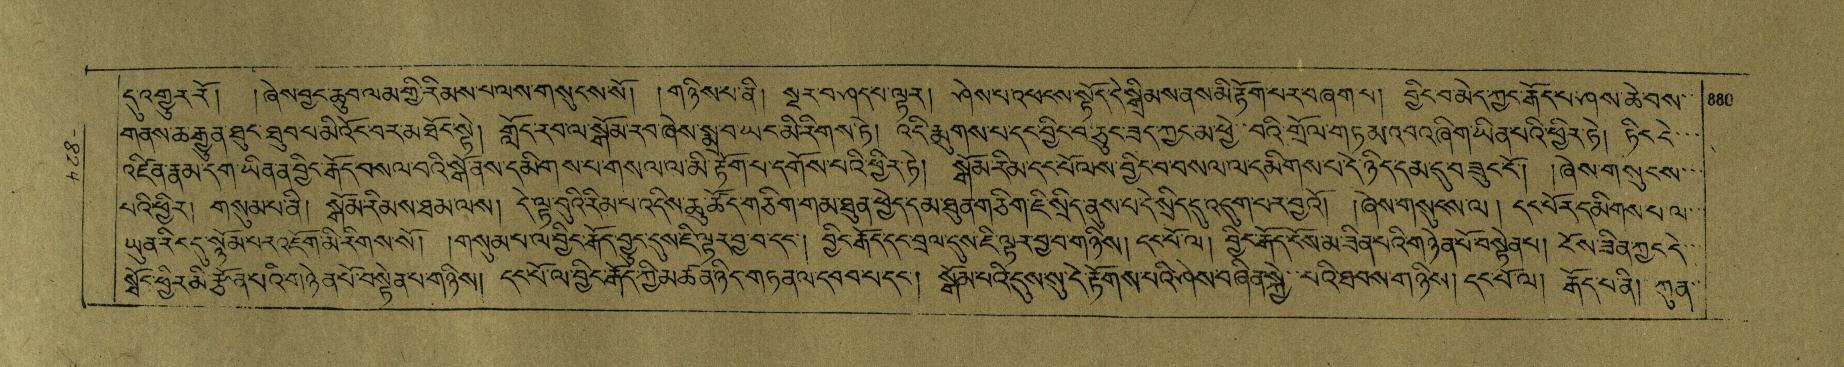དུ་འགྱུར་རོ། །ཞེས་བྱང་ཆུབ་ལམ་གྱི་རིམས་པ་ལས་གསུངས་སོ། །གཉིས་པ་ནི། སྔར་བཤད་པ་ལྟར། ཤེས་པ་འཕངས་སྟོད་དེ་སྒྲིམས་ནས་མི་རྟོག་པར་བཞག་པ། བྱིང་བ་མེད་ཀྱང་རྒོད་པ་ཤས་ཆེ་བས་
གནས་ཆ་རྒྱུན་ཐུང་ཐུབ་པ་མི་འོང་བར་མཐོང་སྟེ། གློང་རབ་ལ་སྒོམ་རབ་ཞེས་སྨྲ་བ་ཡང་མི་རིགས་ཏེ། འདི་རྨུགས་པ་དང་བྱིང་བ་ཅུང་ཟད་ཀྱང་མ་ཕྱེ་བའི་གྲོལ་གཏམ་འབའ་ཞིག་ཡིན་པའི་ཕྱིར་ཏེ། ཏིང་ངེ་
འཛིན་རྣམ་དག་ཡིན་ན་བྱིང་རྒོད་བསལ་བའི་སྒོ་ནས་དམིགས་པ་གསལ་ལ་མི་རྟོག་པ་དགོས་པའི་ཕྱིར་ཏེ། སྒོམ་རིམ་དང་པོ་ལས་བྱིང་བ་བསལ་ལ་དམིགས་པ་དེ་ཉིད་དམ་དུ་བཟུང་ངོ། །ཞེས་གསུངས་
པའི་ཕྱིར། གསུམ་པ་ནི། སྒོམ་རིམས་ཐམ་ལས། དེ་ལྟ་བུའི་རིམ་པ་འདིས་ཆུ་ཚོད་གཅིག་གམ་ཐུན་ཕྱེད་དམ་ཐུན་གཅིག་ཇི་སྲིད་ནུས་པ་དེ་སྲིད་དུ་འདུག་པར་བྱའོ། །ཞེས་གསུངས་ལ། དང་པོར་དམིགས་པ་ལ་
ཡུན་རིང་དུ་སྙོམ་པར་འཇོག་མི་རིགས་སོ། །གསུམ་པ་ལ་བྱིང་རྒོད་བྱུང་དུས་ཇི་ལྟར་བྱ་བ་དང་། བྱིང་རྒོད་དང་བྲལ་དུས་ཇི་ལྟར་བྱ་བ་གཉིས། དང་པོ་ལ། བྱིང་རྒོད་ངོས་མ་ཟིན་པའི་གཉེན་པོ་བསྟེན་པ། ངོས་ཟིན་ཀྱང་དེ་
སྤོང་ཕྱིར་མི་རྩོན་པའི་གཉེན་པོ་བསྟེན་པ་གཉིས། དང་པོ་ལ་བྱིང་རྒོད་ཀྱི་མཚན་ཉིད་གཏན་ལ་དབབ་པ་དང་། སྒོམ་པའི་དུས་སུ་དེ་རྟོགས་པའི་ཤེས་བཞིན་སྐྱེ་པའི་ཐབས་གཉིས། དང་པོ་ལ། རྒོད་པ་ནི། ཀུན་